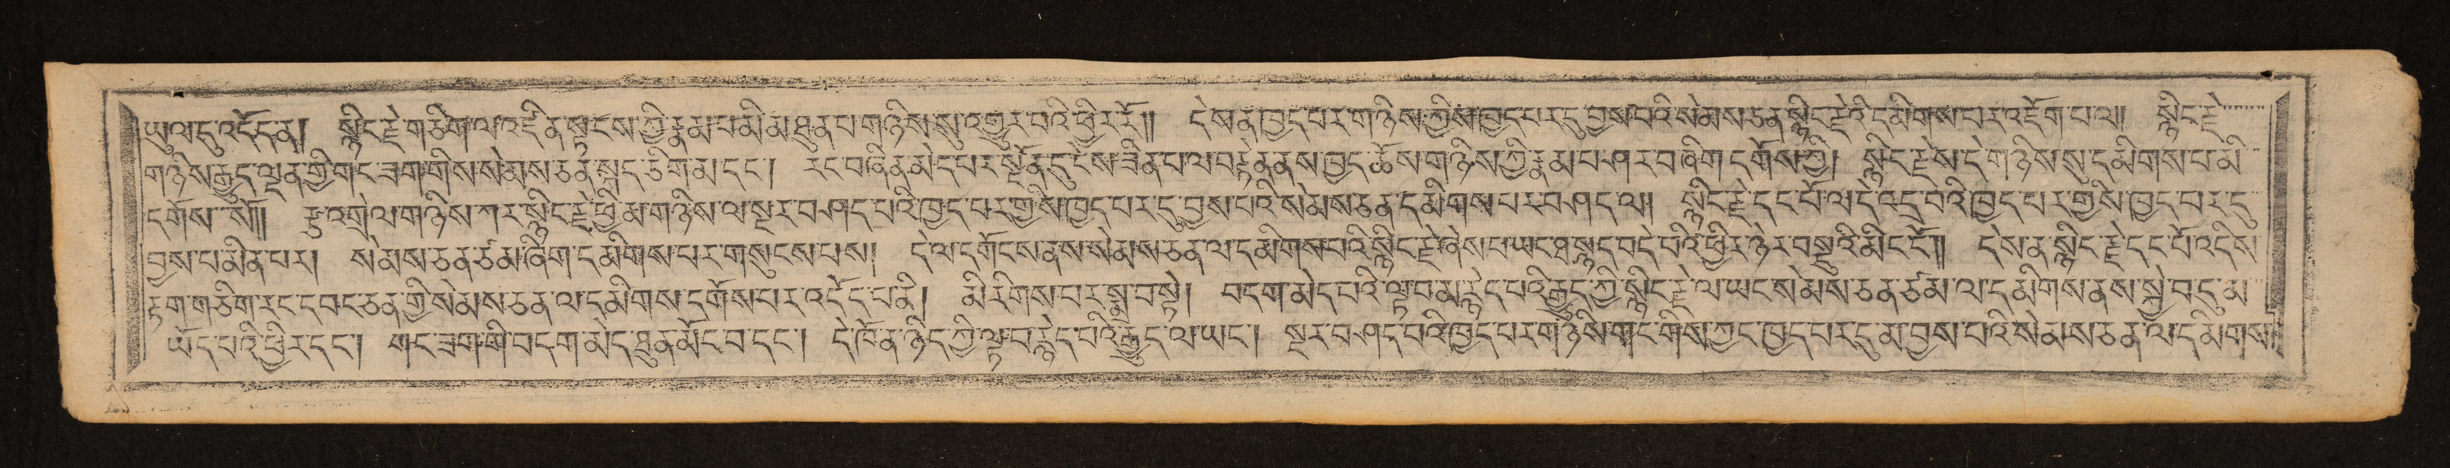ཡུལ་དུ་འདོད་ན། སྙིང་རྗེ་གཅིག་ལ་འཛིན་སྟངས་ཀྱི་རྣམ་པ་མི་མཐུན་པ་གཉིས་སུ་འགྱུར་བའི་ཕྱིར་རོ།། དེས་ན་ཁྱད་པར་གཉིས་ཀྱིས་ཁྱད་པར་དུ་བྱས་པའི་སེམས་ཅན་སྙིང་རྗེའི་དམིགས་པར་འཇོག་པ་ལ། སྙིང་རྗེ་
གཉིས་རྒྱུད་ལྡན་གྱི་གང་ཟག་གིས་སེམས་ཅན་སྐད་ཅིག་མ་དང་། རང་བཞིན་མེད་པར་སྔོན་དུ་ངེས་ཟིན་པ་ལ་བརྟེན་ནས་ཁྱད་ཆོས་གཉིས་ཀྱི་རྣམ་པ་ཤར་བ་ཞིག་དགོས་ཀྱི། སྙིང་རྗེས་དེ་གཉིས་སུ་དམིགས་པ་མི་
དགོས་སོ།། རྩ་འགྲེལ་གཉིས་ཀར་སྙིང་རྗེ་ཕྱི་མ་གཉིས་ལ་སྔར་བཤད་པའི་ཁྱད་པར་གྱིས་ཁྱད་པར་དུ་བྱས་པའི་སེམས་ཅན་དམིགས་པར་བཤད་ལ། སྙིང་རྗེ་དང་པོ་ལ་དེ་འདྲ་བའི་ཁྱད་པར་གྱིས་ཁྱད་པར་དུ་
བྱས་པ་མིན་པར། སེམས་ཅན་ཙམ་ཞིག་དམིགས་པར་གསུངས་པས། དེ་ལ་དགོངས་ནས་སེམས་ཅན་ལ་དམིགས་པའི་སྙིང་རྗེ་ཞེས་པ་ཡང་ཐ་སྙད་བདེ་བའི་ཕྱིར་ཉེར་བསྡུའི་མིང་ངོ།། དེས་ན་སྙིང་རྗེ་དང་པོ་འདིས་
རྟག་གཅིག་རང་དབང་ཅན་གྱི་སེམས་ཅན་ལ་དམིགས་དགོས་པར་འདོད་པ་ནི། མི་རིགས་པར་སྨྲ་བ་སྟེ། བདག་མེད་པའི་ལྟ་བ་མ་རྙེད་པའི་རྒྱུད་ཀྱི་སྙིང་རྗེ་ལ་ཡང་སེམས་ཅན་ཙམ་ལ་དམིགས་ནས་སྐྱེ་བ་དུ་མ་
ཡོད་པའི་ཕྱིར་དང་། གང་ཟག་གི་བདག་མེད་ཐུན་མོང་བ་དང་། དེ་ཁོ་ན་ཉིད་ཀྱི་ལྟ་བ་རྙེད་པའི་རྒྱུད་ལ་ཡང་། སྔར་བཤད་པའི་ཁྱད་པར་གཉིས་གང་གིས་ཀྱང་ཁྱད་པར་དུ་མ་བྱས་པའི་སེམས་ཅན་ལ་དམིགས་